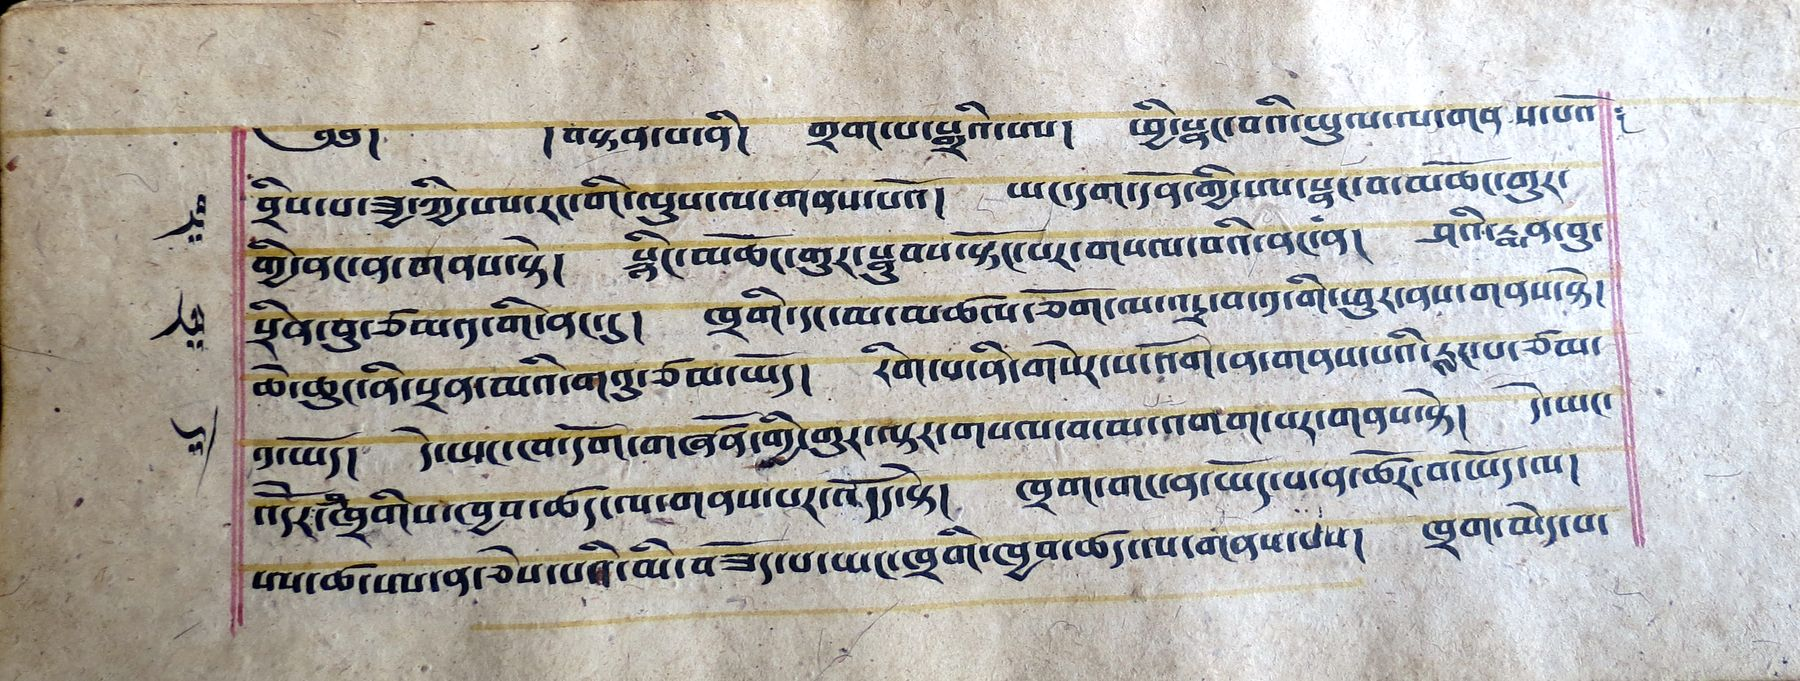བསྟན་པ་ནི། གྲག་པ་སྒྲའི་ཨ། ཕྱི་སྣང་བའི་ཡུལ་ལ་གནས་པའོ། །
བྲིས་པ་གཟུགས་ཀྱི་ཨ་རང་གི་ལུས་ལ་གནས་པའོ། །ཡང་དག་དོན་གྱི་ཨ་སྣང་བ་མཆོང་གུར་
གྱི་ནང་ན་གནས་ཏེ། སྙིང་མཆོང་གུར་སྦུབས་སྟོང་པར་གསལ་བའི་ནང་ན་ཤའི་སྨན་བུ་
སྲིན་བུ་ཙམ་ཅིག་གི་ནང་དུ། ཁྲག་གི་དངས་མ་མཚལ་ལྕོག་ལ་འདྲ་བ་ཅིག་གི་ཕུར་ནས་གནས་ཏེ། 
ཆེ་ཆུང་ནི་སྲན་མའི་གའུ་ཙམ་ཡོད། རིག་པ་ནི་གསེར་ས་འོག་ན་གནས་པའི་རླངས་པ་ཙམ་
ཅིག་ཡོད། དེ་ཡང་ཁ་དོག་གཞའ་ཚོན་གྱི་གུར་ལྟར་གསལ་བ་མ་འགག་པར་གནས་ཏེ། དེ་ཡང་
འོད་ཟེར་ཁྲག་གིས་ཁྱབ་ཚད་ལ་གནས་པར་འདོད་དེ། ཁྲག་གང་ན་ཡོད་པ་ལ་ཚོར་བ་ཡོད་ལ། 
ཨ་ཚ་ཨ་ན་ཞེས་པའི་མི་བཟོད་པ་ཡང་ཁྲག་གིས་ཁྱབ་ཚད་ལ་གནས་པས། ཁྲག་མེད་པ་